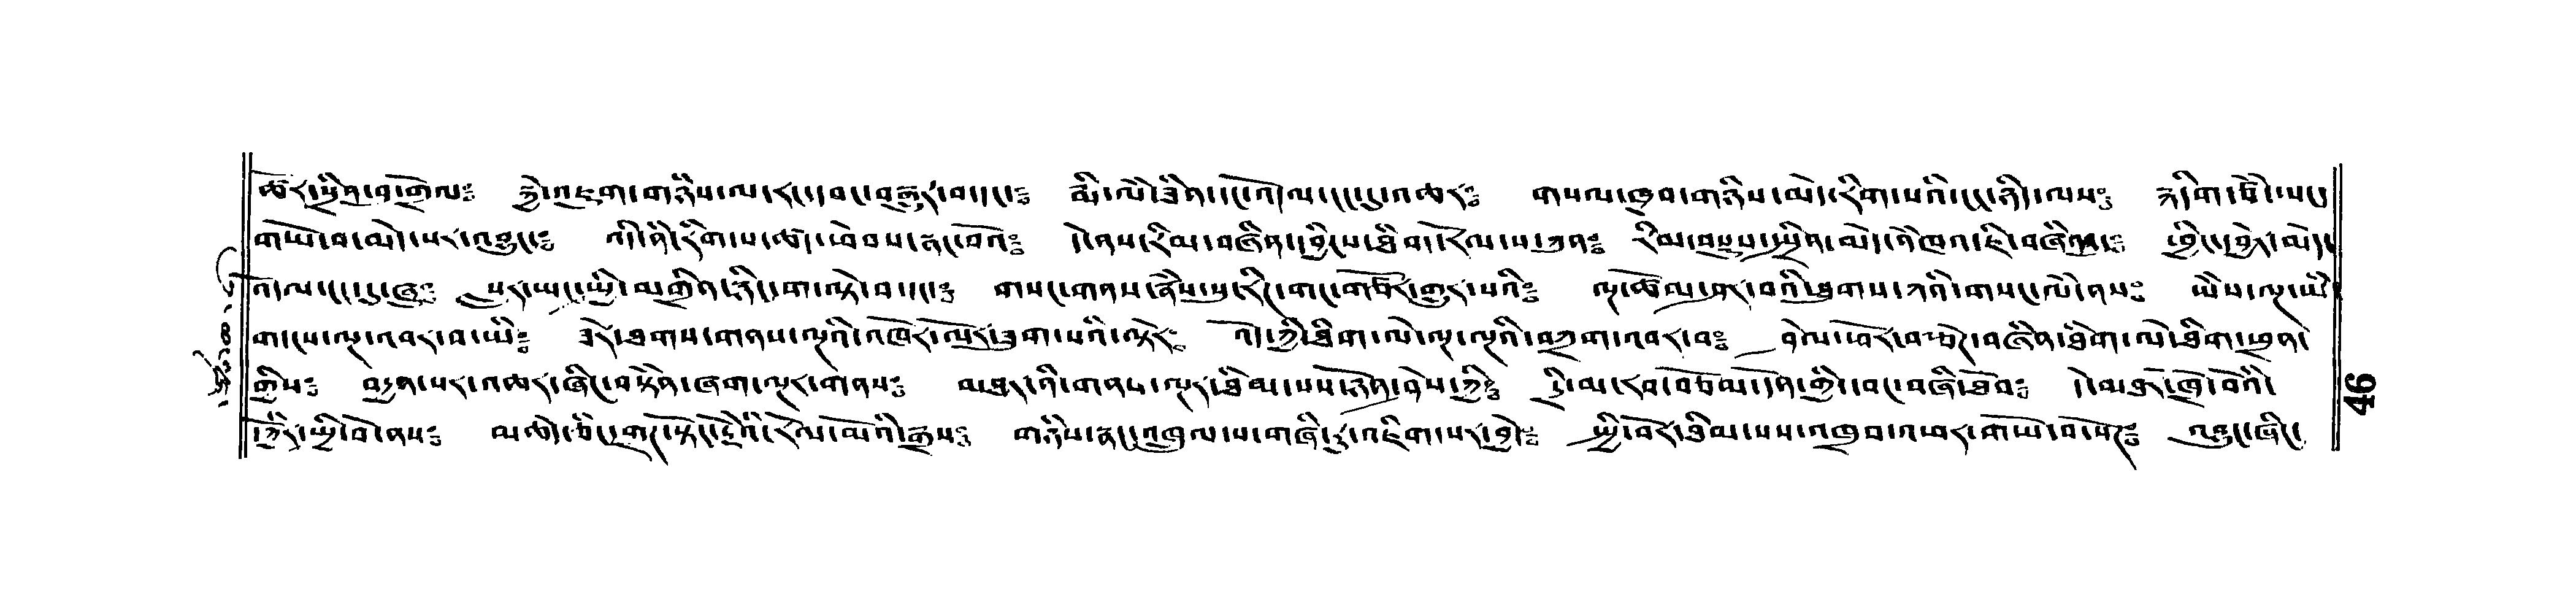ཚོར་སྲིན་བུ་གྲོལ༔ སྐྱེ་འཇུག་གཉིས་ལ་རང་དབང་བསྒྱུར་བ་དང༔ རྨི་ལམ་ཟིན་དང་འོད་གསལ་ངང་དུ་འཆར༔ གསལ་ཁྱབ་གཉིས་མེད་རིག་པའི་ངང་ཉིད་ལས༔ སྐད་ཅིག་ཙམ་ཡང་
གཡོ་བ་མེད་པར་འབྱུང༔ འདི་ནི་རིག་པ་ཚད་ཕེབས་སྣང་བའོ༔ དེ་ནས་རིམ་བཞིན་དབྱིངས་ཐིག་རོལ་པ་ཀུན༔ རིམ་བསྡུས་སྤྲིན་མེད་ནམ་མཁའ་ཇི་བཞིན་དུ༔ ཕྱི་ནང་དབྱེར་མེད་
འོད་གསལ་ངང་དུ་ཞུ༔ སླར་ཡང་སྤྱི་མགྲིན་སྙིང་ག་ལྟེ་བ་དང༔ གསང་གནས་རྣམས་སུ་རིགས་གང་གཙོར་གྱུར་པའི༔ ལྔ་ཚོམ་ཤར་བའི་ཐུགས་ཀའི་གསང་ལམ་ནས༔ ཡེ་ཤེས་ལྔ་ཡི་
གདངས་ལྔ་འབར་བ་ཡི༔ ཟེར་ཐག་གནས་ལྔའི་འཁོར་ལོར་ཟུག་པའི་ལྟེར༔ འོད་ཀྱི་ཐིག་ལེ་ལྔ་ལྔའི་བཀྲག་འབར་བ༔ ཤེལ་ཕོར་བརྩེགས་བཞིན་ཐིག་ལེ་ཐིག་ཕྲན་
གྱིས༔ བརྒྱན་པར་འཆར་ཞིང་བསྟན་ནམ་ཞག་ལྔར་གནས༔ མཐར་ནི་གནས་ལྔར་ཐིམ་པས་ཉོན་ཤེས་ཀྱི༔ དྲི་མ་རབ་བཅོམ་དོན་གྱི་དབང་བཞི་ཐོབ༔ དེ་མཐར་ཁྲོ་བོའི་
དཀྱིལ་འཁོར་སྤྱི་བོ་ནས༔ མཆེད་ཅིང་གྲགས་སྟོང་རྡོ་རྗེའི་རོལ་མོའི་སྒྲས༔ གཉིས་སྣང་འཁྲུལ་པ་གཞི་རུ་འཇིག་པར་བྱེད༔ སྤྱི་བོར་ཐིམ་པས་འཁྲབ་འཕར་གཡོ་བ་སོགས༔ འབྱུང་ཞིང་